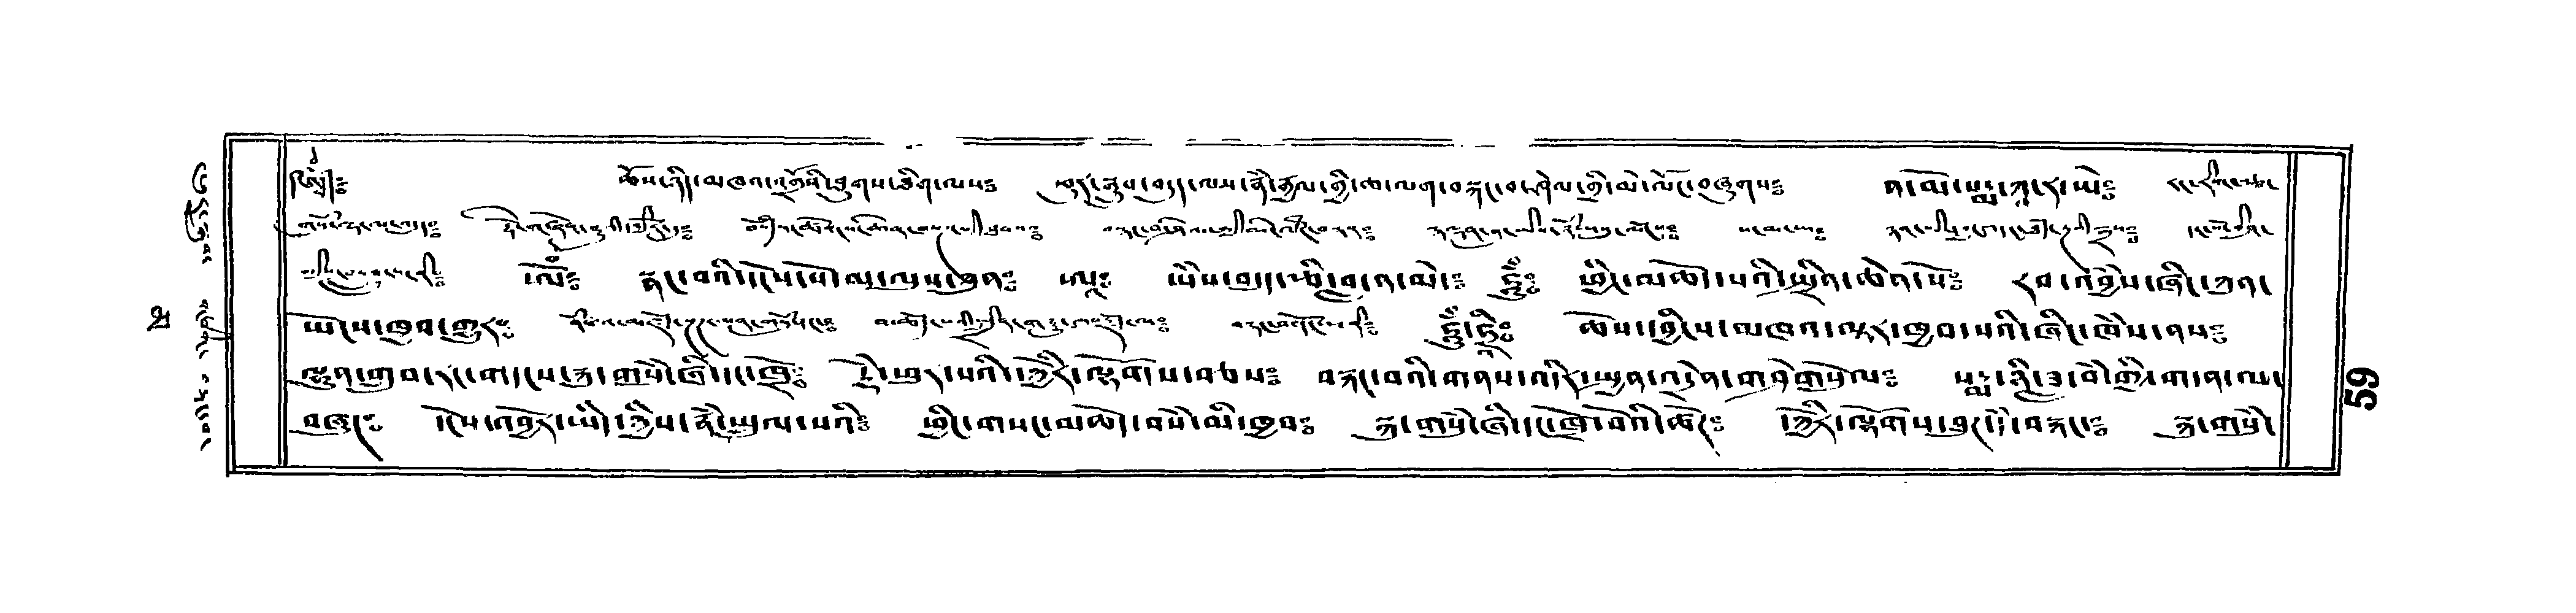ཆོས་ཉིད་མཁའ་འགྲོའི་ཐུགས་ཐིག་ལས༔ ཕུར་སྒྲུབ་བདུད་ལས་རྣམ་རྒྱལ་གྱི་ཆ་ལག་བསྐང་བ་ཤེལ་གྱི་མེ་ལོང་བཞུགས༔ ན་མོ་པདྨ་ཀཱ་ར་ཡེ༔ རང་རིག་རྩ་
གསུམ་ལྷ་ལ་འདུད༔ རྡོ་རྗེ་གཞོན་ནུའི་དཀྱིལ་འཁོར་དུ༔ བསོད་ནམས་ཚོགས་ཆེན་གསོག་པའི་ཐབས༔ བསྐང་བ་ཤེལ་གྱི་མེ་ལོང་བསྟན༔ སྐལ་ལྡན་བུ་ཡིས་ཉམས་སུ་ལོངས༔ ས་མ་ཡ༔ སྙན་ཡི་དབྱངས་དང་ཐོད་རྔའི་སྒྲས༔ དང་པོ་བྱིན་
གྱིས་བརླབ་པ་ནི༔ ཨོཾ༔ སྣང་བའི་དངོས་པོ་མ་ལུས་ཀུན༔ ཨཱཿ ཡེ་ཤེས་བདུད་རྩི་བླ་ན་མེད༔ ཧཱུྃ༔ ཕྱི་ནང་མཆོད་པའི་སྤྲིན་ཆེན་པོ༔ རབ་འབྱམས་ཞིང་ཀུན་
ཡོངས་ཁྱབ་གྱུར༔ ནམ་མཁའ་མཛོད་སྔགས་ལན་གསུམ་དང༔ མཆོད་པའི་སྤྲིན་གཟུངས་བརྗོད་ལ༔ བསྐང་བ་དངོས་ནི༔ ཧཱུྃ་ཧྲཱིཿ ཆོས་དབྱིངས་མཁའ་ལྟར་ཁྱབ་པའི་ཞིང་ཁམས་ནས༔ 
ལྷུན་གྲུབ་རང་གདངས་སྐུ་གསུམ་ཞི་དང་ཁྲོ༔ རྡོ་རྗེ་ཕུར་པའི་དཀྱིལ་འཁོར་ལྷ་ཚོགས་བཅས༔ བསྐང་བའི་གནས་འདིར་སྤྱན་འདྲེན་གཤེགས་སུ་སོལ༔ པདྨ་ཉི་ཟླ་བམ་གྱི་གདན་ལ་
བཞུགས༔ དངོས་འབྱོར་ཡིད་ཀྱི་རྣམ་སྤྲུལ་པའི༔ ཕྱི་ནང་གསང་མཆོད་བསམ་མི་ཁྱབ༔ སྐུ་གསུམ་ཞི་དང་ཁྲོ་བོའི་ཚོགས༔ དཀྱིལ་འཁོར་ལྷ་ཚོགས་ཐུགས་དམ་བསྐང༔ སྐུ་གསུམ་